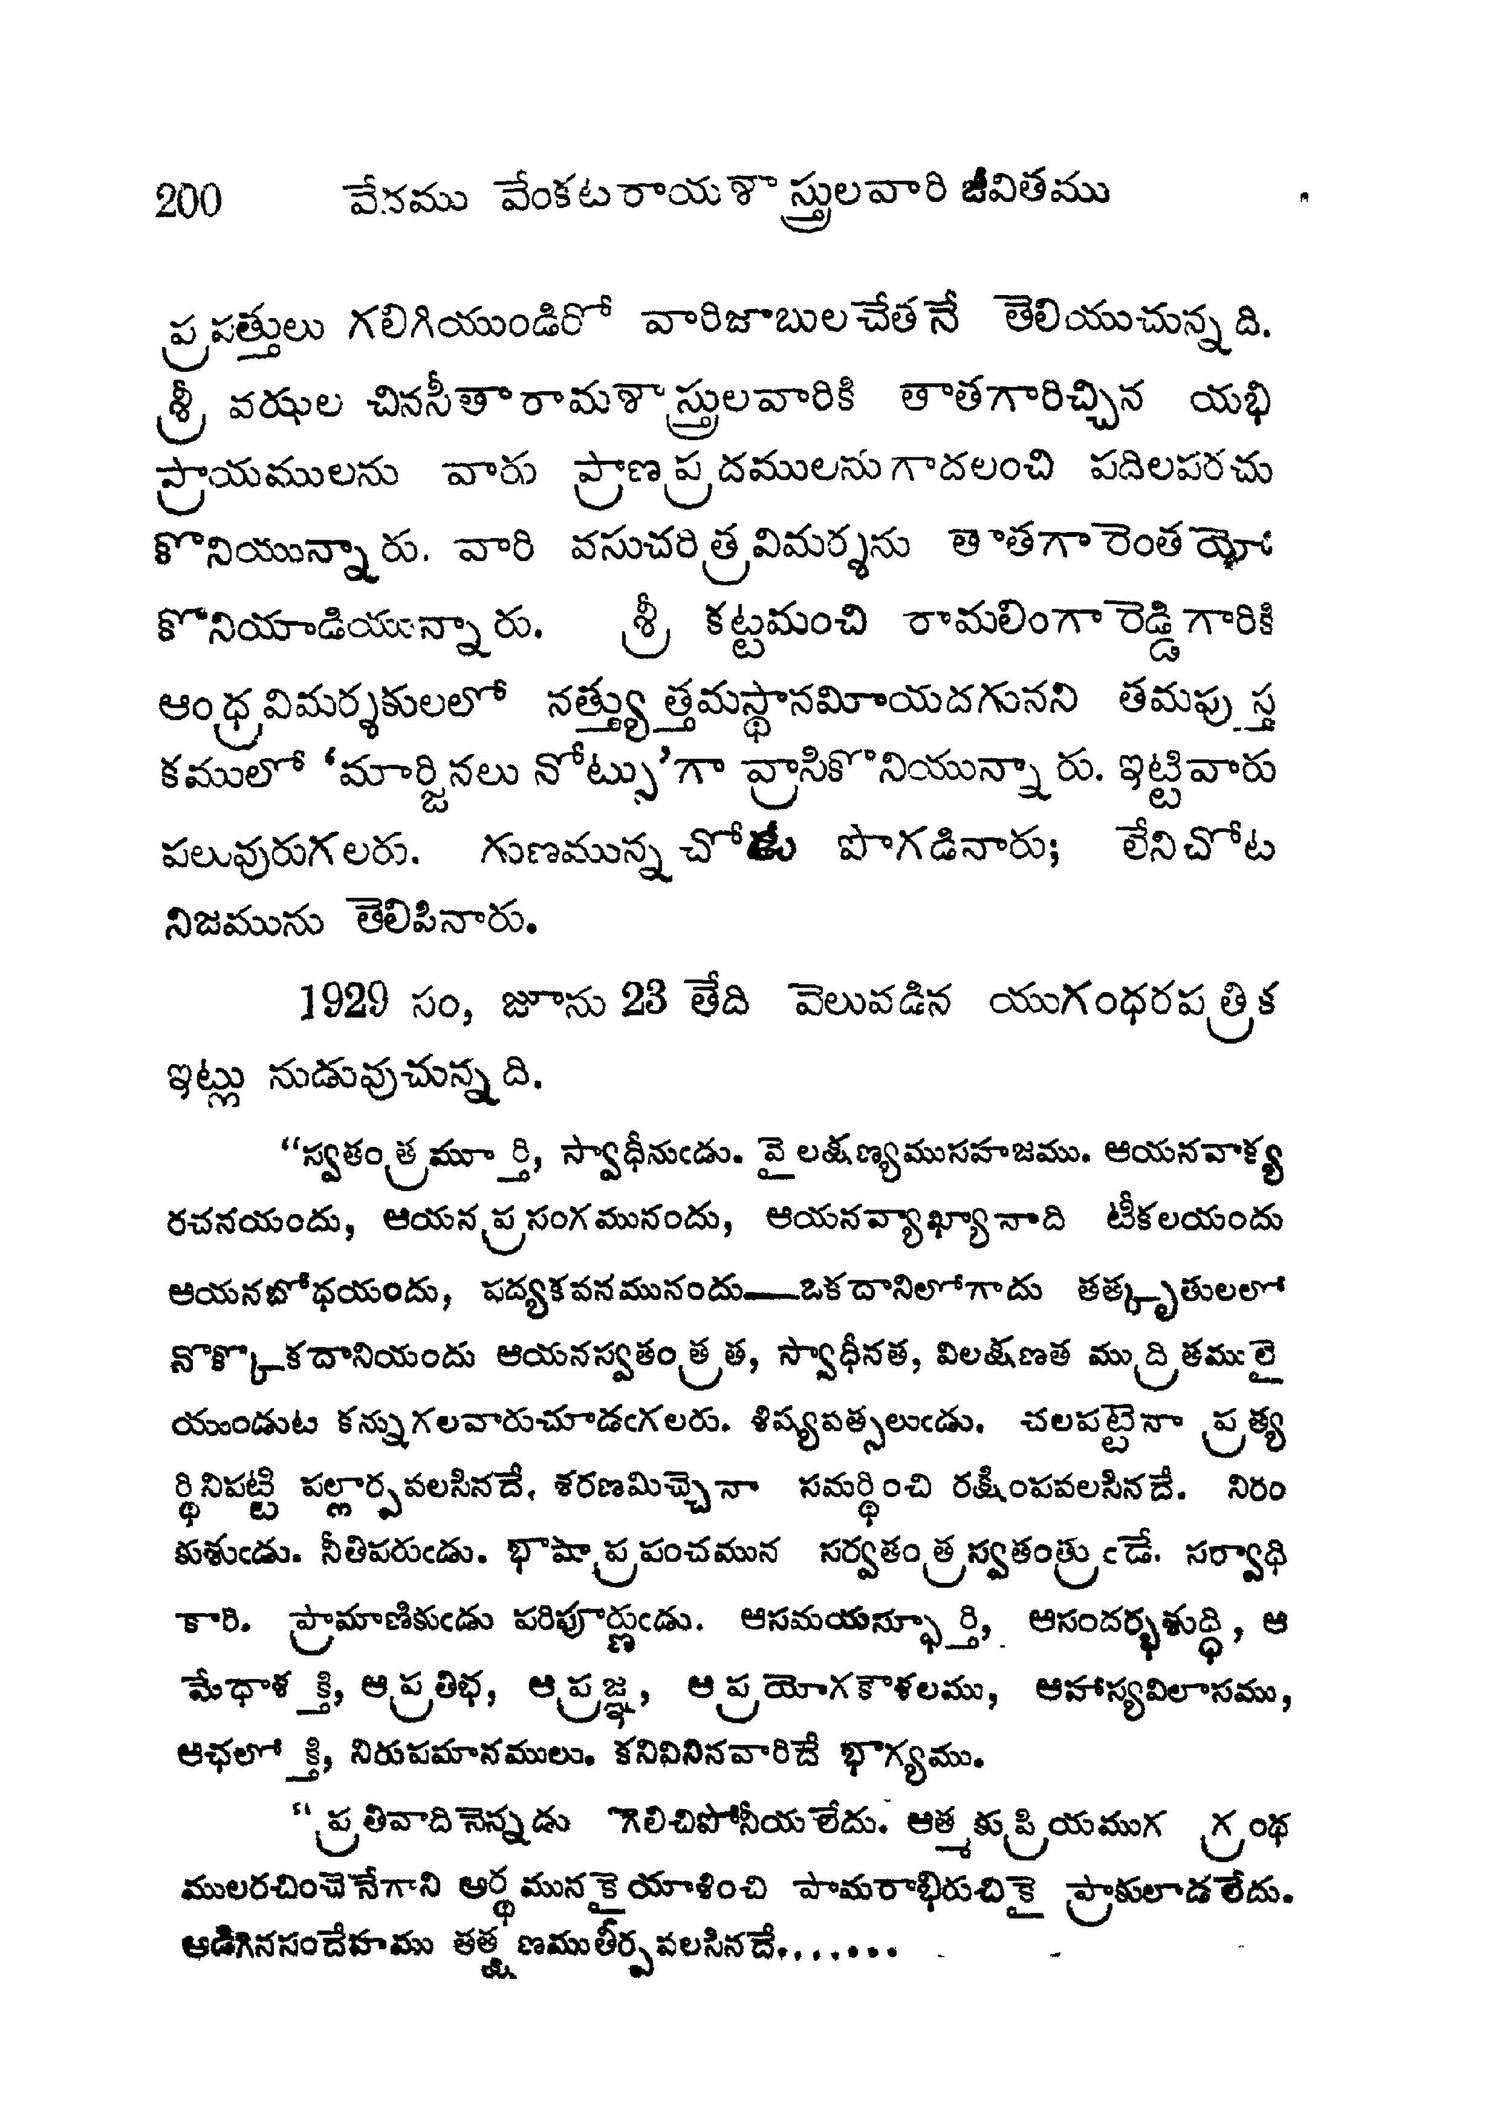ప్రపత్తులు గలిగియుండిరో వారిజాబుల చేతనే తెలియుచున్నది. శ్రీ వఝుల చినసీతారామశాస్త్రుల వారికి తాతాగారిచ్చిన యభిప్రాయములను వారు ప్రాణప్రదములను గాదలంచి పదిలపరచుకొని యున్నారు. వారి వసుచరిత్ర విమర్శను తాతగారెంతయో కొనియాడి యున్నారు. శ్రీకట్టమంచి రామలింగారెడ్డిగారికి ఆంధ్రవిమర్శకులలో నత్త్యుత్తమ స్థానమీయదగునని తమపుస్తకములో 'మార్జినలు నోట్సు'గా వ్రాసికొని యున్నారు. ఇట్టివారు పలువురుగలరు. గుణమున్నచో పొగడినారు; లేనిచోట నిజమును తెలిపినారు.

1929 సం, జూను 23 తేది వెలువడిన యుగంధరపత్రిక ఇట్లునుడువుచున్నది.

"స్వతంత్రమూర్తి, స్వాధీనుడు. వైలక్షణ్యము సహజము. ఆయన వాక్యరచనయందు, ఆయన ప్రసంగమునందు, ఆయనవ్యాఖ్యానాది టీకలయందు ఆయన బోధయందు, పద్యకవనమునందు - ఒకదానిలో గాదు తత్కృతులలో నొక్కొకదానియందు ఆయన స్వతంత్రత, స్వాధీనత, విలక్షణత ముద్రితములై యుండుట కన్నుగలవారుచూడగలరు. శిష్యవత్సలుడు. చలపట్టెనా ప్రత్యర్థినిపట్టి పల్లార్పవలసినదే. శరణమిచ్చెనా సమర్థించి రక్షింపవలసినదే. నిరంకుశుడు. నీతిపరుడు, భాషాప్రపంచమున సర్వతంత్రస్వతంత్రుడే, సర్వాధికారి. ప్రామాణికుడు పరిపూర్ణుడు. ఆసమయస్ఫూర్తి, ఆసందర్భశుద్ధి, ఆమేధాశక్తి, ఆప్రతిభ, ఆప్రజ్ఞ, ఆప్రయోగకౌశలము, ఆహాస్యవిలాసము, ఆఛలోక్తి, నిరుపమానములు. కనివినినవారిదే భాగ్యము.

"ప్రతివాదినెన్నడు గెలిచిపోనీయలేదు. ఆత్మకుప్రియముగ గ్రంథములరచించెనేగాని అర్థమునకైయాశించి పామరాభిరుచికై ప్రాకులాడలేదు. అడిగినసందేహము తత్క్షణముతీర్పవలసినదే......